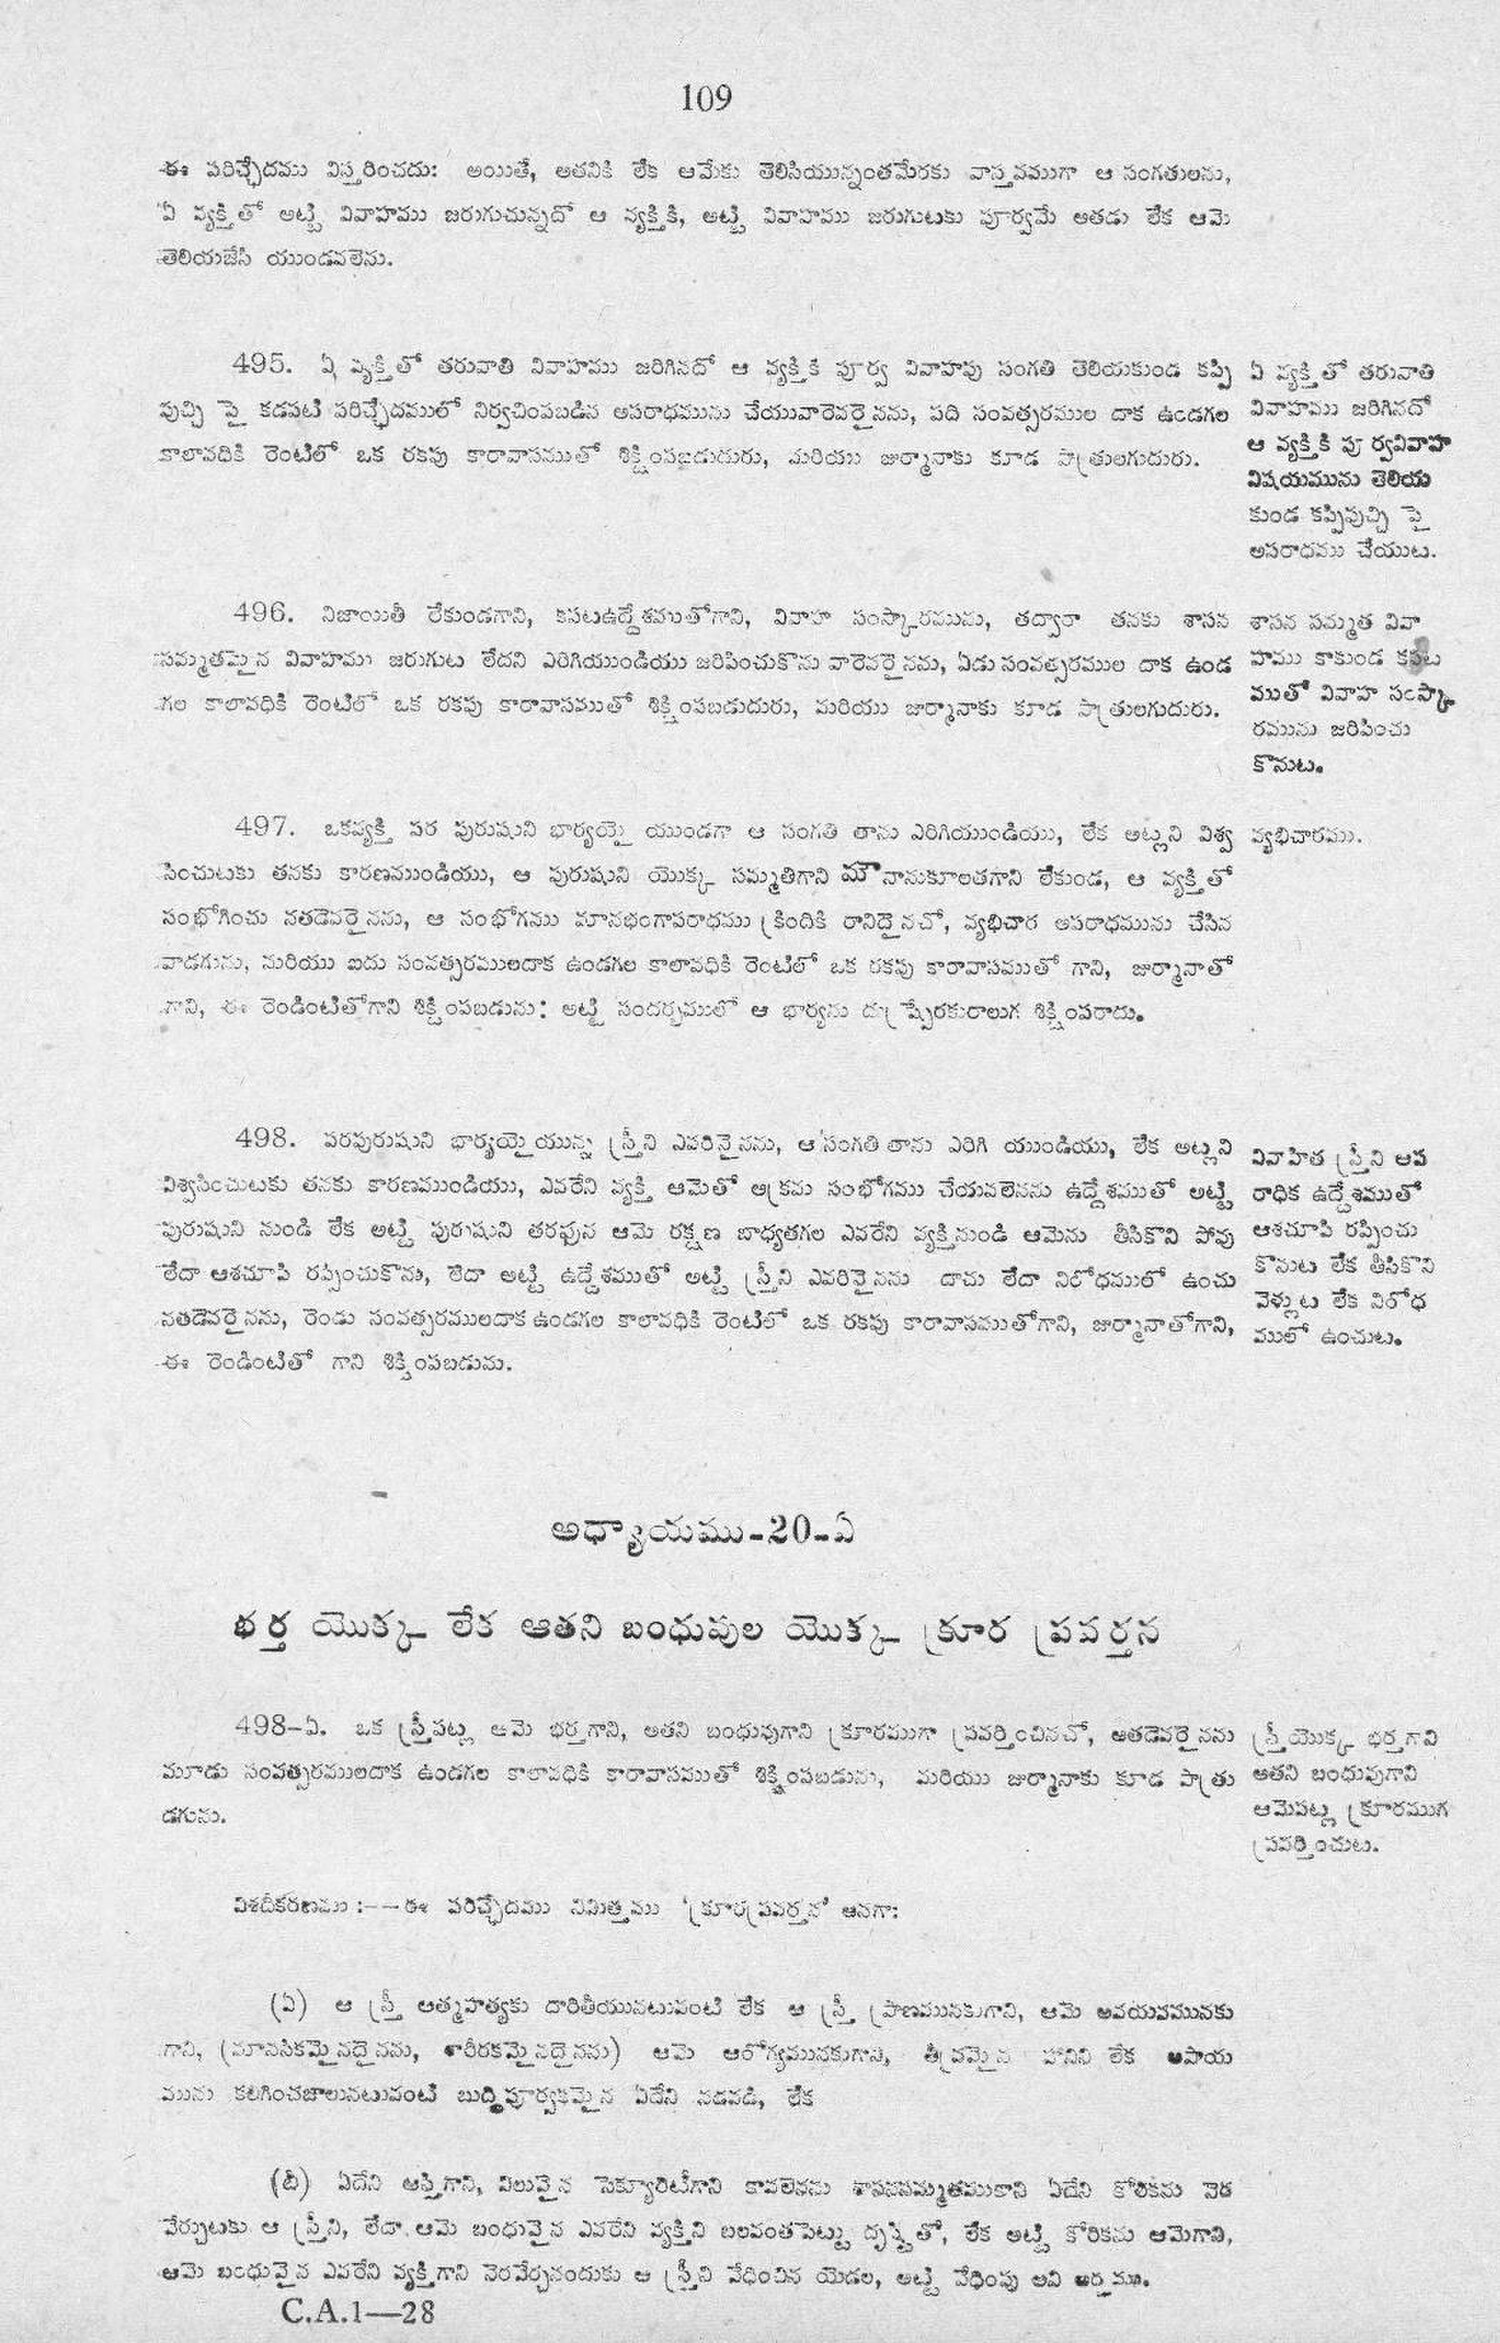ఈ పరిచ్ఛేదము విస్తరించదు. అయితే, అతనికి లేక ఆమెకు తెలిసియున్నంత మేరకు వాస్తవముగా ఆ సంగతులను,ఏ వ్యక్తి తో అట్టి వివాహము జరుగుచున్నదో ఆ వ్యక్తికి, అట్టి వివాహము జరుగుటకు పూర్వమే అతడు లేక ఆమె తెలియజేసి యుండవలెను.

ఏ వ్యక్తి లో తరువాతి వివాహము జరిగినదో ఆ వ్యక్తి కి పూర్వవివాహ విషయమును తెలియకుండ కప్పిపుచ్చి పై అపరాధము చేయుట.

495. ఏ వ్యక్తి తో తరువాతి వివాహము జరిగినదో ఆ వ్యక్తి కి పూర్వ వివాహపు సంగతి తెలియకుండ కప్పి పుచ్చి పై కడపటి పరిచ్ఛేదములో నిర్వచింపబడిన అపరాధమును చేయువారెవరైనను, పది సంవత్సరముల దాక ఉండగల కాలావధికి రెంటిలో ఒక రకపు కారావాసముతో శిక్షింపబడుగురు, మరియు జుర్మానాకు కూడ పాత్రులగుదురు.

శాసన సమ్మత వివాహము కాకుండ కపటముతో వివాహ సంస్కారమును జరిపించు కొనుట.

496. నిజాయితీ లేకుండగాని, కపట ఉద్దేశముతోగాని, వివాహ సంస్కారమును, తద్వారా తనకు శాసన "సమ్మతమైన వివాహము జరుగుట లేదని ఎరిగియుండియు జరిపించుకొను వారెవరై నను, ఏడు సంవత్సరముల దాక ఉండగల కాలావధికి రెంటిలో ఒక రకపు కారావాసముతో శిక్షింపబడుదురు, మరియు జుర్మానాకు కూడ పాత్రులగుదురు.

వ్యభిచారము

497. ఒకవ్యక్తి పర పురుషుని భార్యయై యుండగా ఆ సంగతి తాను ఎరిగియుండియు, లేక అట్లని విశ్వసించుటకు తనకు కారణముండియు, ఆ పురుషుని యొక్క సమ్మతిగాని మౌనానుకూలతగాని లేకుండ, ఆ వ్యక్తితో సంభోగించు నతడెవరైనను, ఆ సంభోగము మానభంగాపరాధము క్రిందికి రానిదైనచో, వ్యభిచార అపరాధమును చేసినవాడగును, మరియు ఐదు సంవత్సరములదాక ఉండగల కాలావధికి రెంటిలో ఒక రకపు కారావాసముతో గాని, జుర్మానాతో గాని, ఈ రెండింటిలో గాని శిక్షింపబడును. అట్టి సందర్భములో ఆ భార్యను దుష్ప్రేరకు రాలుగ శిక్షింపరాదు.

వివాహిత స్త్రీ ని అపరాధిక ఉర్దేశముతో ఆశచూపి రప్పించు కొనుట లేక తీసికొనివెళ్లుట లేక నిరోధములో ఉంచుట.

498. పరపురుషుని భార్యయై యున్న స్త్రీని ఎవరినై నను, ఆ సంగతి తాను ఎరిగి యుండియు, లేక అట్లని విశ్వసించుటకు తనకు కారణముండియు, ఎవరేని వ్యక్తి ఆమెతో అక్రమ సంభోగము చేయవలెనను ఉద్దేశముతో అట్టి పురుషుని నుండి లేక అట్టి పురుషుని తరఫున ఆమె రక్షణ బాధ్యతగల ఎవరేని వ్యక్తి నుండి ఆమెను తీసికొని పోవు లేదా ఆశచూపి రప్పించుకొను, లేదా అట్టి ఉద్దేశముతో అట్టి స్త్రీని ఎవరినైనను దాచు లేదా నిరోధములో ఉంచు నతడెవరైనను, రెండు సంవత్సరములదాక ఉండగల కాలావధికి రెంటిలో ఒక రకపు కారావాసముతో గాని, జుర్మానాతోగాని, ఈ రెండింటితో గాని శిక్షింపబడును.

స్త్రీ యొక్క భర్త గాని ఆతని బంధువుగాని ఆమెపట్ల క్రూరముగ ప్రవర్తించుట,

498-ఏ. ఒక స్త్రీ పట్ల ఆమె భర్త గాని, అతని బంధువుగాని క్రూరముగా ప్రవర్తించినచో, ఆతడెవరైనను మూడు సంవత్సరములదాక ఉండగల కాలావధికి కారావాసముతో శిక్షింపబడును, మరియు జుర్మానాకు కూడ పాత్రుడగును.

విశదీకరణము :---ఈ పరిచ్ఛేదము నిమిత్తము 'క్రూర ప్రవర్తన' అనగా:

(ఏ) స్త్రీ ఆత్మహత్యకు దారితీయునటు వంటి లేక ఆ స్త్రీ ప్రాణమునకు గాని, ఆమె అవయవమునకు గాని, (మానసికమై నదైనను, శారీరకమై నదైనను) ఆమె ఆరోగ్యమునకుగాని, తీప్రమైన హానిని లేక అపాయమును కలిగించజాలునటువంటి బుద్ధి పూర్వకమైన ఏదేని నడవడి, లేక

(బీ) ఏదేని ఆస్తి గాని, విలువైన సెక్యూరిటీగాని కావలెనను శాసనసమ్మతముకాని ఏదేని కోరికను నెరవేర్చుటకు ఆ స్త్రీని, లేదా, ఆమె బంధువైన ఎవరేని వ్యక్తిని బలవంత పెట్టు దృష్టితో, లేక అట్టి కోరికను ఆమెగాని,ఆమె బంధువైన ఎవరేని వ్యక్తి గాని నెర వేర్చనందుకు ఆ స్త్రీని వేధించిన యెడల, అట్టి వేధింపు అని అర్హము.